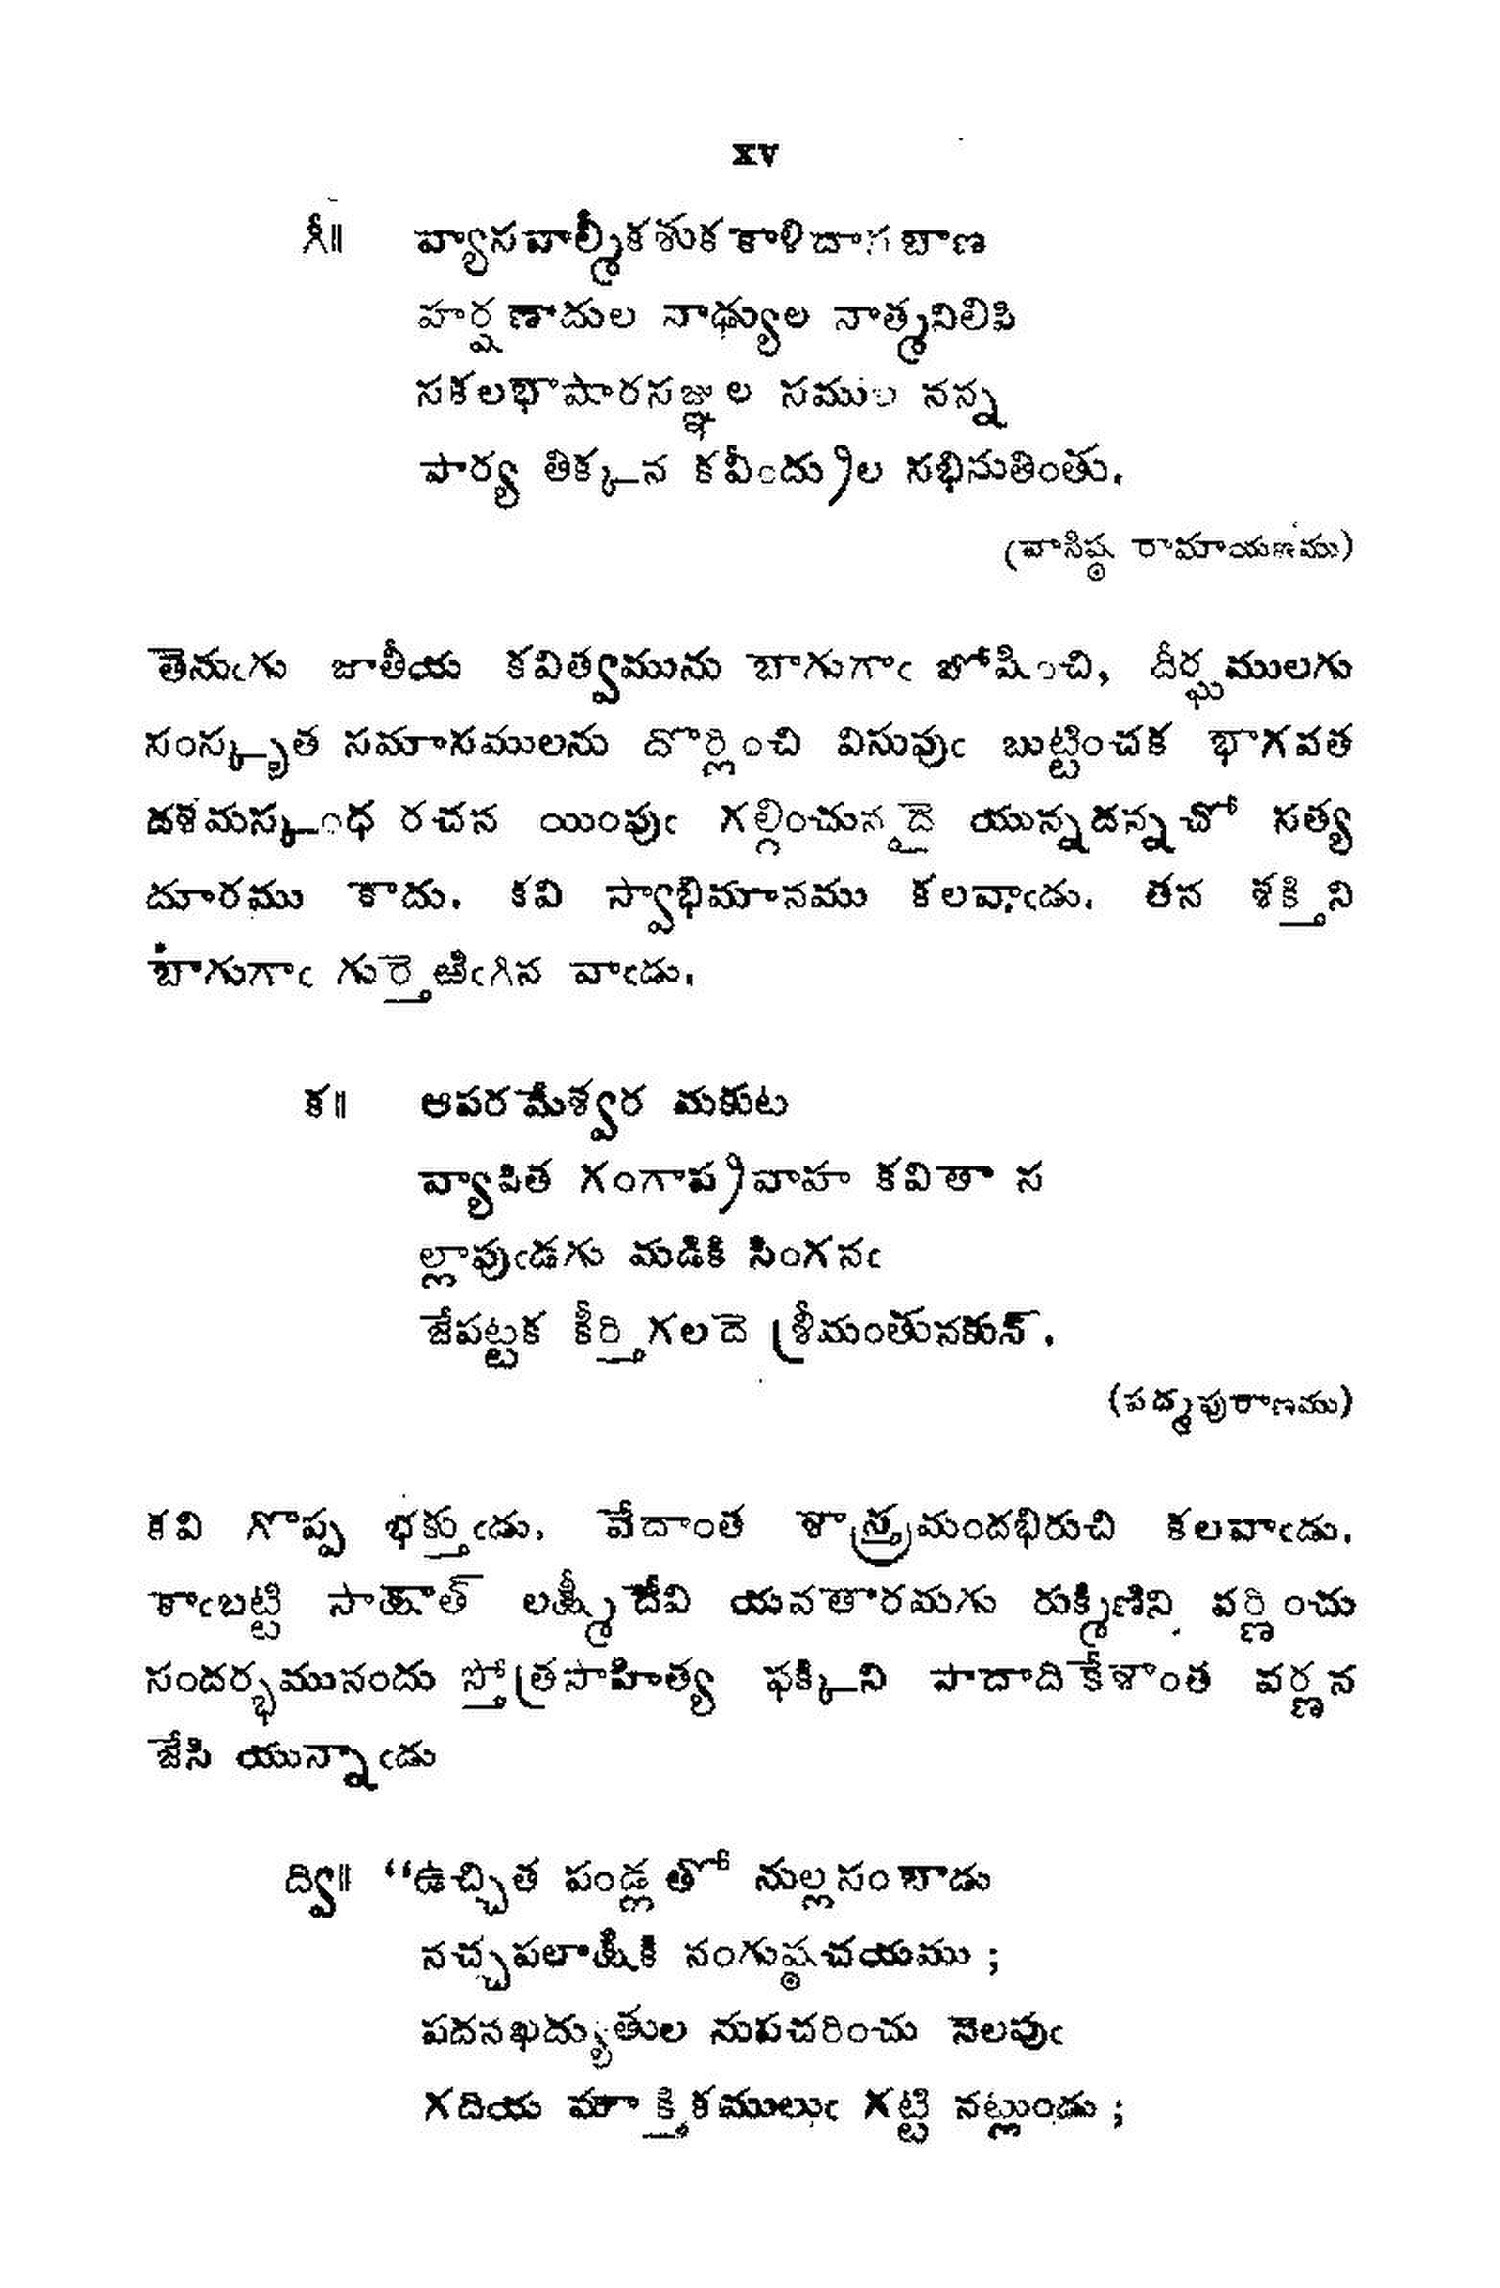తెనుఁగు జాతీయ కవిత్వమును బాగుగాఁ బోషించి, దీర్ఘములగు సంస్కృత సమాసములను దొర్లించి విసువుఁ బుట్టించక భాగవత దశమస్కంధ రచన యింపుఁ గల్గించునదై యున్నదన్నచో సత్యదూరము కాదు. కవి స్వాభిమానము కలవాఁడు. తన శక్తిని బాగుగాఁ గుర్తెఱిఁగినవాఁడు. 

కవి గొప్పభక్తుఁడు. వేదాంత శాస్త్రమందభిరుచి కలవాఁడు. కాఁబట్టి సాక్షాత్ లక్ష్మీదేవి యవతారమగు రుక్మిణిని వర్ణించు సందర్భమునందు స్తోత్రసాహిత్య ఫక్కీని పాదాదికేశాంత వర్ణన జేసి యున్నాఁడు.